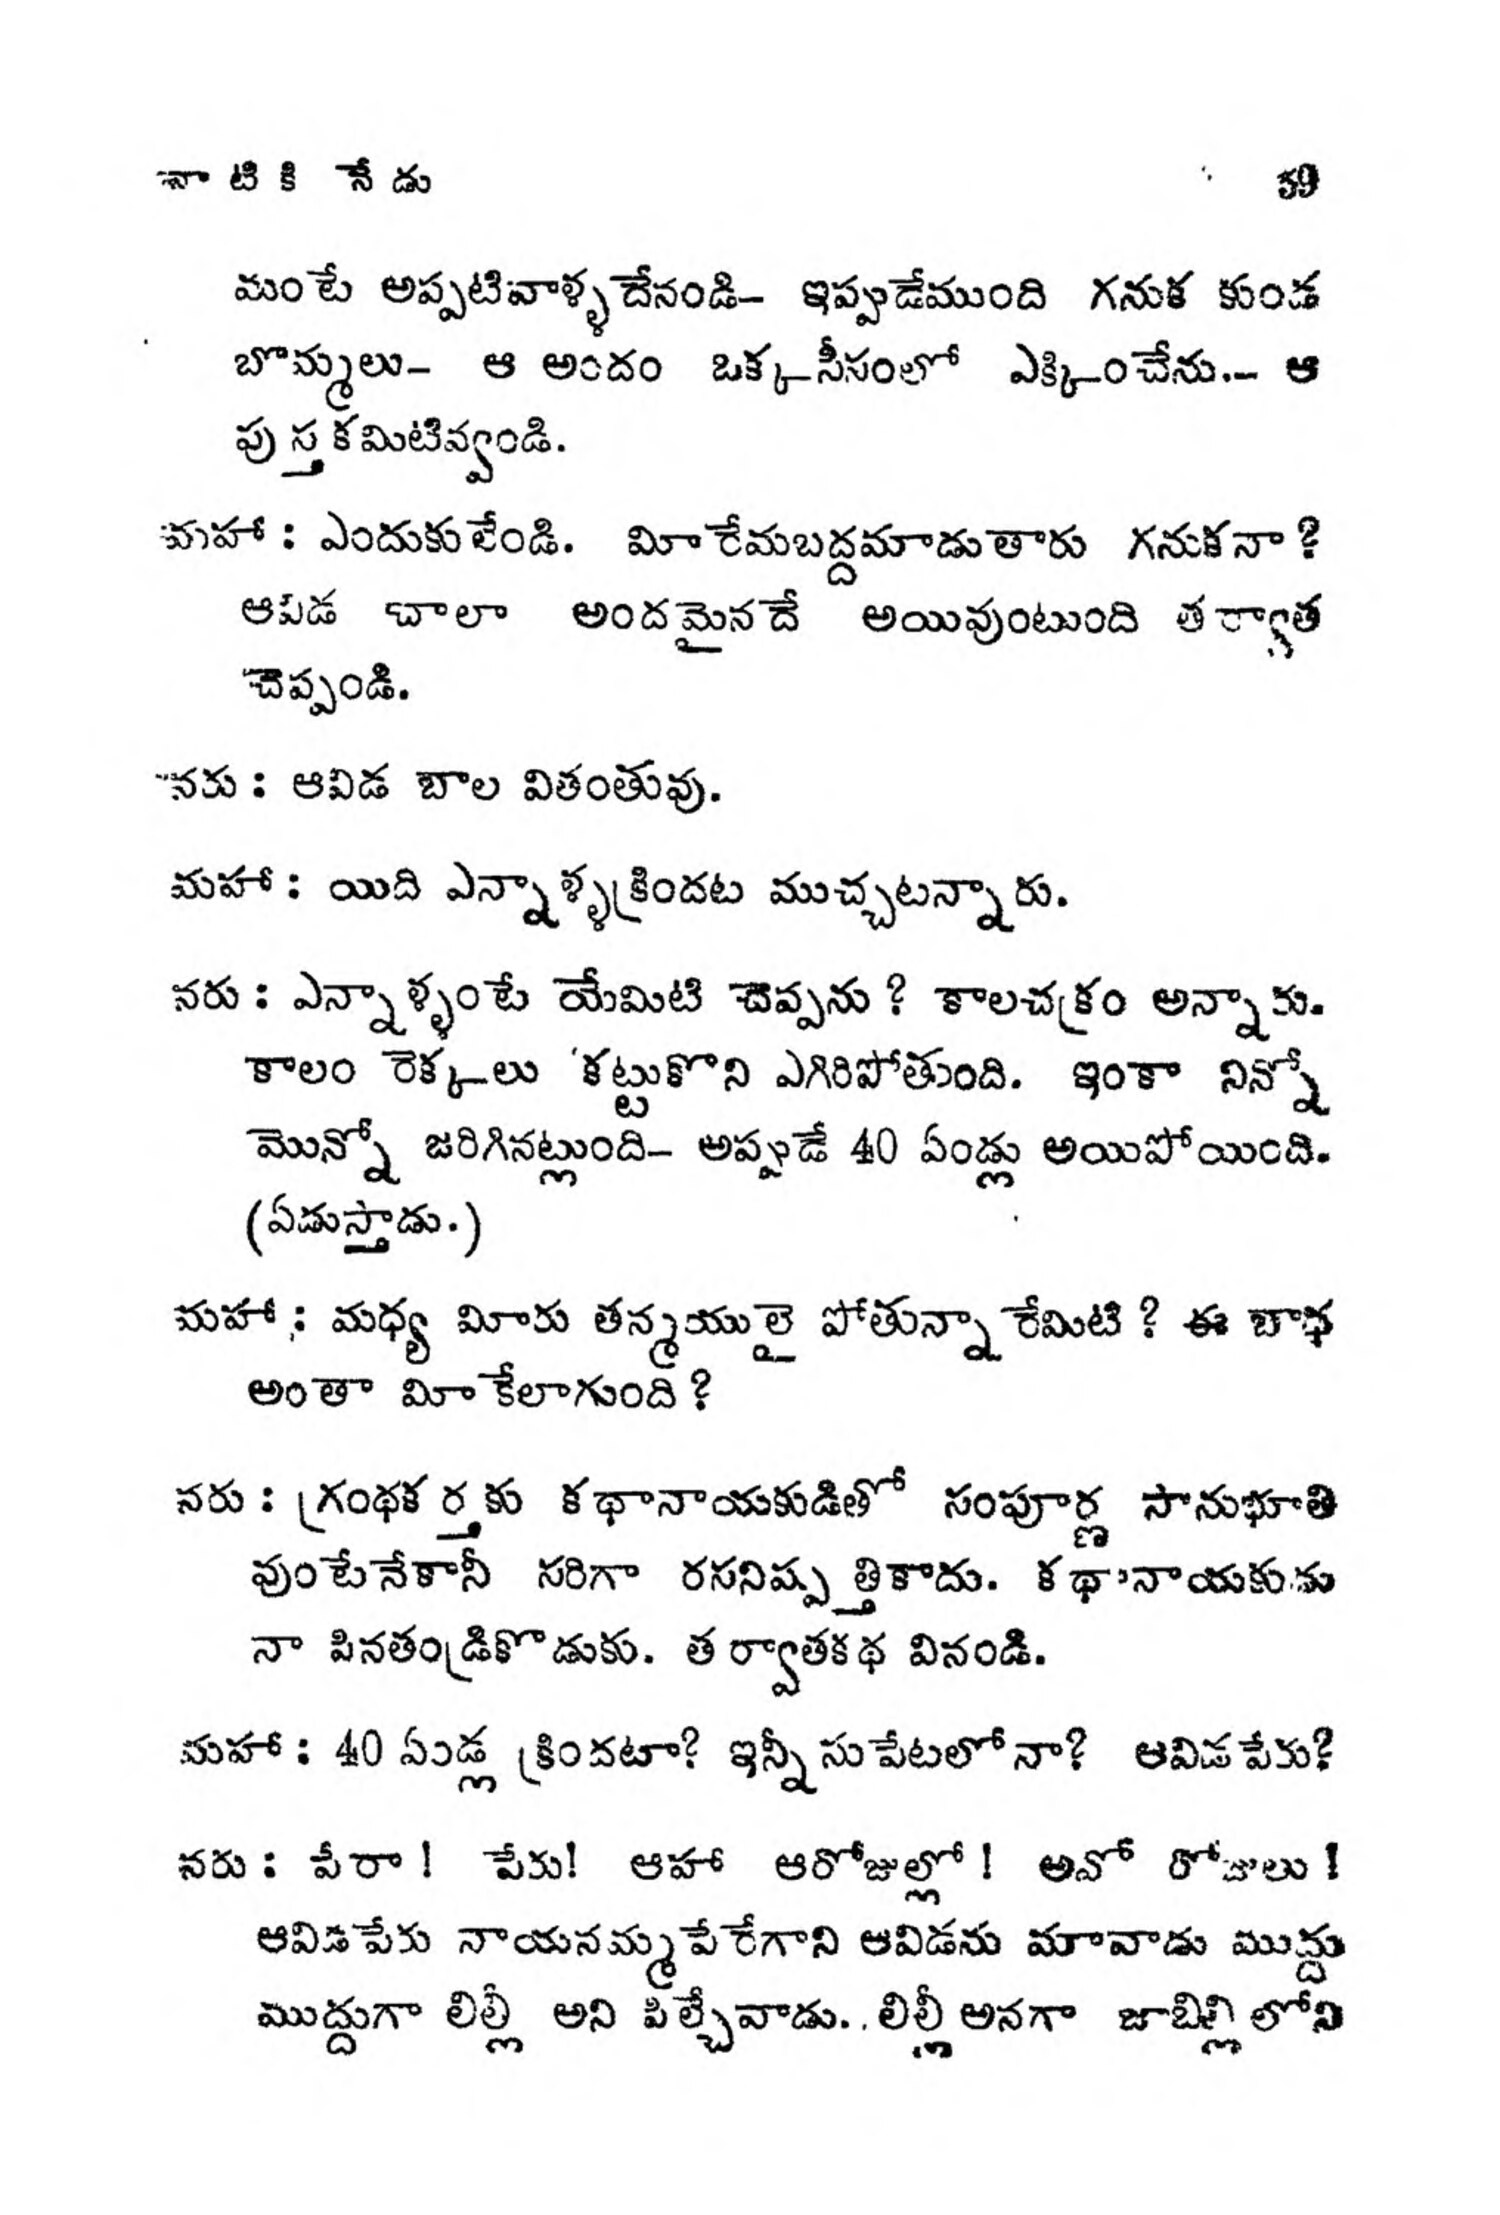మంటే అప్పటివాళ్ళదేనండి- ఇప్పుడేముంది గనుక కుండ బొమ్మలు - ఆ అందం ఒక్క సీసంలో ఎక్కించేను.. ఆ
పుస్తకమిటివ్వండి.

మహా : ఎందుకులేండి. మీరేమబద్దమాడుతారు గనుకనా? ఆవిడ చాలా అందమైనదే అయివుంటుంది తర్వాత చెప్పండి.

నరు : ఆవిడ బాల వితంతువు.

మహా : యిది ఎన్నాళ్ళక్రిందట ముచ్చటన్నారు.

నరు : ఎన్నాళ్ళంటే యేమిటి చెప్పను? కాలచక్రం అన్నారు. కాలం రెక్కలు కట్టుకొని ఎగిరిపోతుంది. ఇంకా నిన్నో
మొన్నో జరిగినట్లుంది– అప్పుడే 40 ఏండ్లు అయిపోయింది. (ఏడుస్తాడు.)

మహా : మధ్య మీరు తన్మయులై పోతున్నారేమిటి ? ఈ బాధ అంతా మీ కేలాగుంది ?

నరు : గ్రంథకర్తకు కథానాయకుడితో సంపూర్ణ సానుభూతి వుంటేనేకానీ సరిగా రసనిష్పత్తికాదు. కథానాయకుడు
నా పినతండ్రికొడుకు. తర్వాతకథ వినండి.

మహా : 40 ఏండ్ల క్రిందటా? ఇన్నీసుపేటలోనా? ఆవిడ పేరు?

నరు : పేరా ! పేరు! ఆహా ఆరోజుల్లో! అవో రోజులు! ఆవిడపేరు నాయనమ్మపేరేగాని ఆవిడను మావాడు ముద్దు
ముద్దుగా లిల్లీ అని పిల్చేవాడు. లిల్లీ అనగా జాబిల్లిలోని